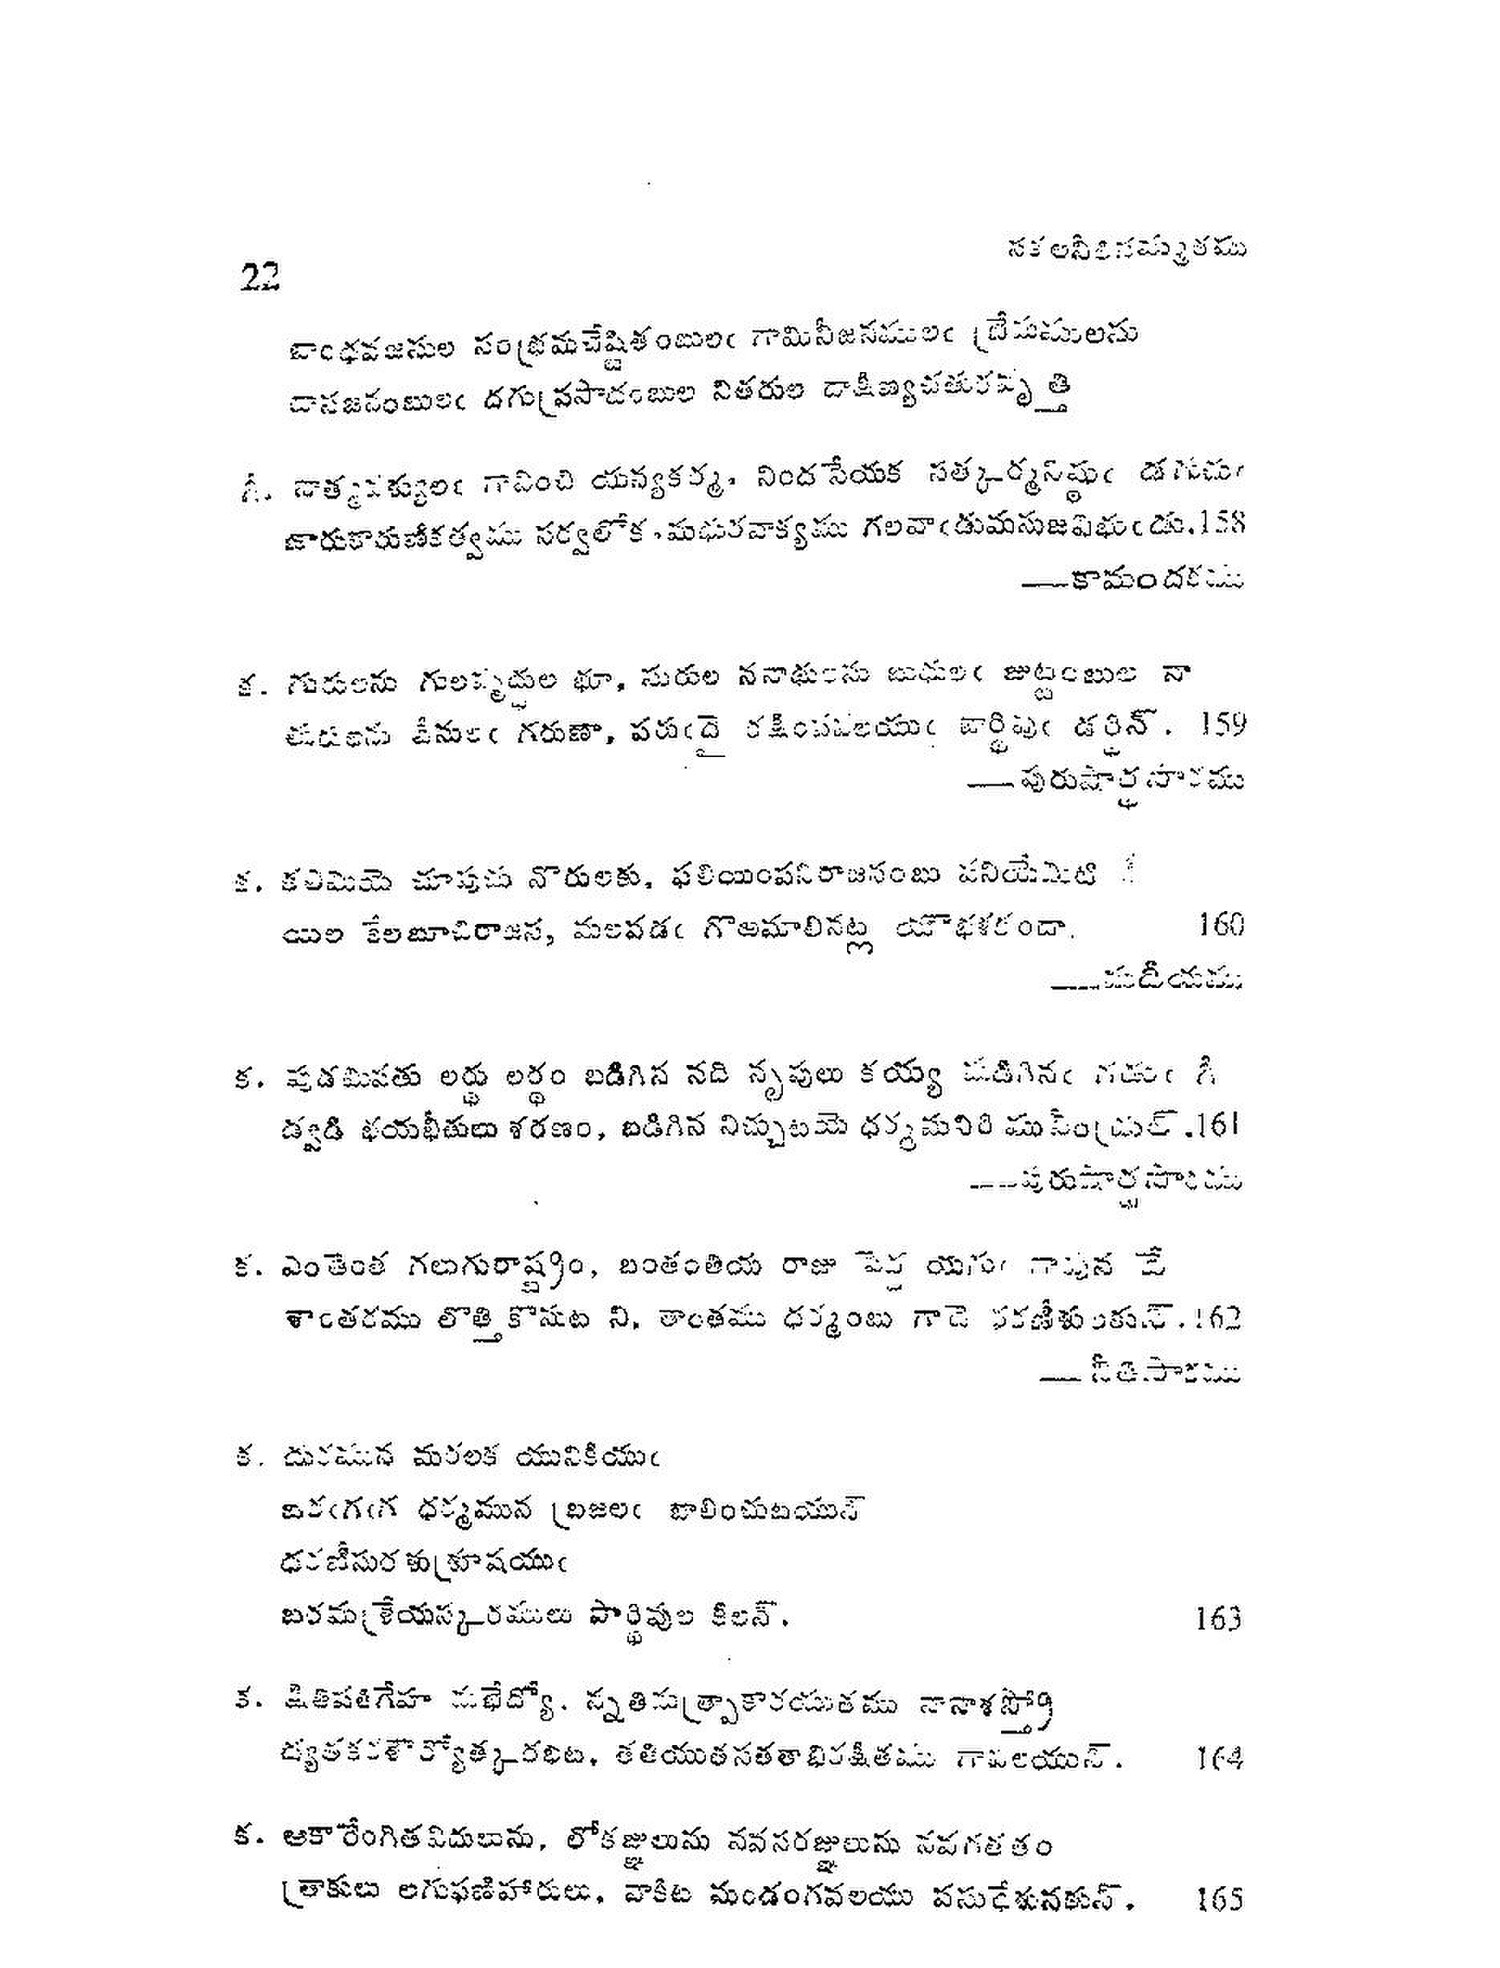బాంధవజనుల సంభ్రమచేష్టితంబులఁ
గామినీజనములఁ బ్రేమములను
దాసజనంబులఁ దగుప్రసాదంబుల
నితరుల దాక్షిణ్యచతురవృత్తి
గీ. నాత్మవశ్యులఁ గావించి యన్యకర్మ
నిందసేయక సత్కర్మనిష్ఠుఁ డగుచుఁ
జారుకారుణికత్వము సర్వలోక
మధురవాక్యము గలవాఁడు మనుజవిభుఁడు. 158

క. గురులను గులవృద్ధుల భూ
సురుల ననాథులను బుధులఁ జుట్టంబుల నా
తురులను దీనులఁ గరుణా
పరుఁడై రక్షింపవలయుఁ బార్థివుఁ డర్థిన్. 159

క. కలిమియె చూపుచు నొరులకు
ఫలియింపని రాజసంబు పని యేమిటి కీ
యిల కేలబూచిరాజన
మలవడఁ గొఱమాలినట్ల యౌభళకందా. 160

క. పుడమిపతు లర్థు లర్థం
బడిగిన నది నృపులు కయ్య మడిగినఁ గడుఁ గీ
డ్వడి భయభీతులు శరణం
బడిగిన నిచ్చుటయె ధర్మ మనిరి మునీంద్రుల్. 161

క. ఎంతెంత గలుగురాష్ట్రం
బంతంతియ రాడు పెద్ద యగుఁ గావున దే
శాంతరము లొత్తికొనుట ని
తాంతము ధర్మంబు గాదె ధరణీశులకున్. 162

క. దురమున మలరక యునికియుఁ
బరఁగఁగ ధర్మమున బ్రజలఁ బాలించుటయున్
ధరణీసురశుశ్రూషయుఁ
బరమశ్రేయస్కరములు పార్థివుల కిలన్. 163

క. క్షితిపతిగేహ మభేద్యో
న్నతిమత్ప్రాకారయుతము నానాశస్త్రా
ద్యతకలశౌర్యోత్కరభట
తతియుతసతతాభిరక్షితము గావలయున్. 164

క. ఆకారేంగితవిదులును
లోకజ్ఞులును నవరసజ్ఞులును నవగతతం
త్రాకులు లగు ఫణిహారులు
వాకిట నుండంగవలయు వసుధేశునకున్. 165